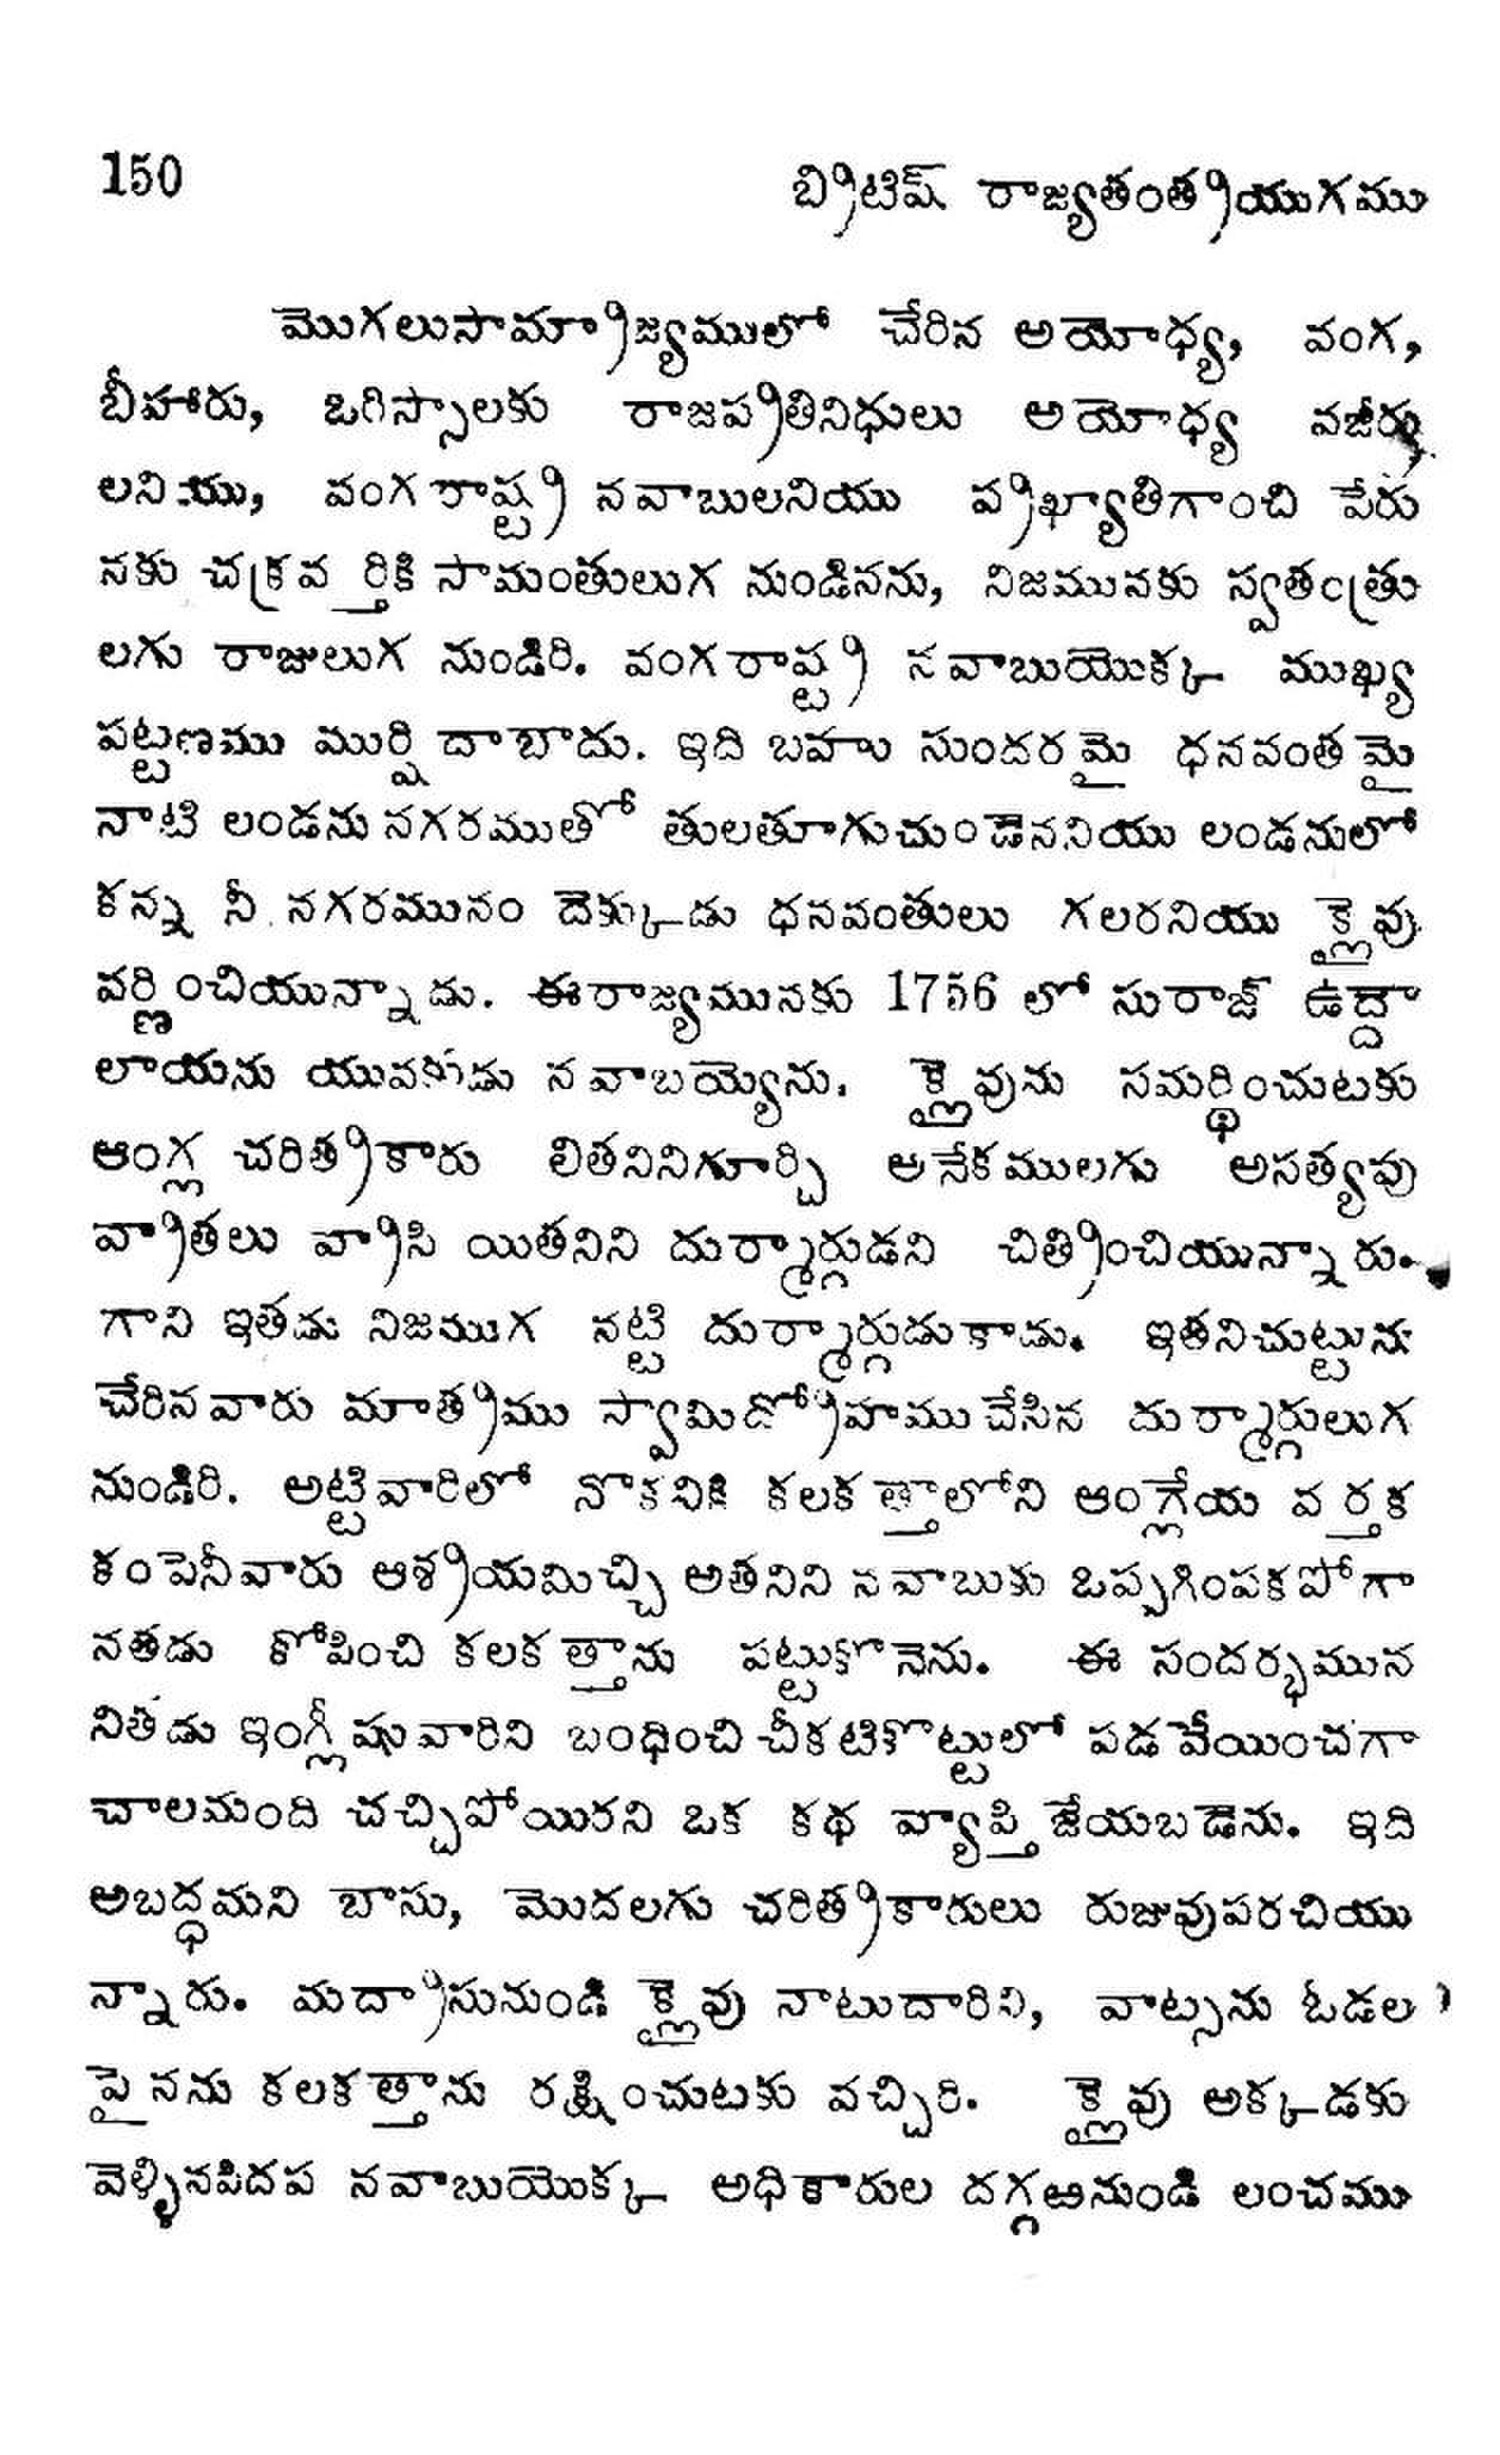మొగలుసామ్రాజ్యములో చేరిన అయోధ్య, వంగ, బీహారు, ఒరిస్సాలకు రాజప్రతినిధులు అయోధ్య వజీరులనియు, వంగరాష్ట్ర నవాబులనియు ప్రఖ్యాతిగాంచి పేరునకు చక్రవర్తికి సామంతులుగ నుండినను, నిజమునకు స్వతంత్రులగు రాజులుగ నుండిరి. వంగరాష్ట్ర నవాబుయొక్క ముఖ్యపట్టణము ముర్షిదాబాదు. ఇది బహు సుందరమై ధనవంతమై నాటి లండనునగరముతో తులతూగుచుండెననియు లండనులో కన్న నీ నగరమునం దెక్కుడు ధనవంతులు గలరనియు క్లైవు వర్ణించియున్నాదు. ఈ రాజ్యమునకు 1756 లో సురాజ్ ఉద్దౌలాయను యువకుడు నవాబయ్యెను. క్లైవును సమర్థించుటకు ఆంగ్ల చరిత్రకారు లితనినిగూర్చి అనేకములగు అసత్యవు వ్రాతలు వ్రాసి యితనిని దుర్మార్గుడని చిత్రించియున్నారు. గాని ఇతడు నిజముగ నట్టి దుర్మార్గుడుకాడు. ఇతనిచుట్టును చేరినవారు మాత్రము స్వామిద్రోహముచేసిన దుర్మార్గులుగ నుండిరి. అట్టివారిలో నొకనికి కలకత్తాలోని ఆంగ్లేయ వర్తకకంపెనీవారు ఆశ్రయమిచ్చి అతనిని నవాబుకు ఒప్పగింపకపోగా నతడు కోపించి కలకత్తాను పట్టుకొనెను. ఈ సందర్భమున నితడు ఇంగ్లీషువారిని బంధించి చీకటికొట్టులో పడవేయించగా చాలమంది చచ్చిపోయిరని ఒక కథ వ్యాప్తి జేయబడెను. ఇది అబద్ధమని బాసు, మొదలగు చరిత్రకారులు రుజువుపరచియున్నారు. మద్రాసునుండి క్లైవు నాటుదారిని, వాట్సను ఓడలపైనను కలకత్తాను రక్షించుటకు వచ్చిరి. క్లైవు అక్కడకు వెళ్ళినపిదప నవాబుయొక్క అధికారుల దగ్గఱనుండి లంచము